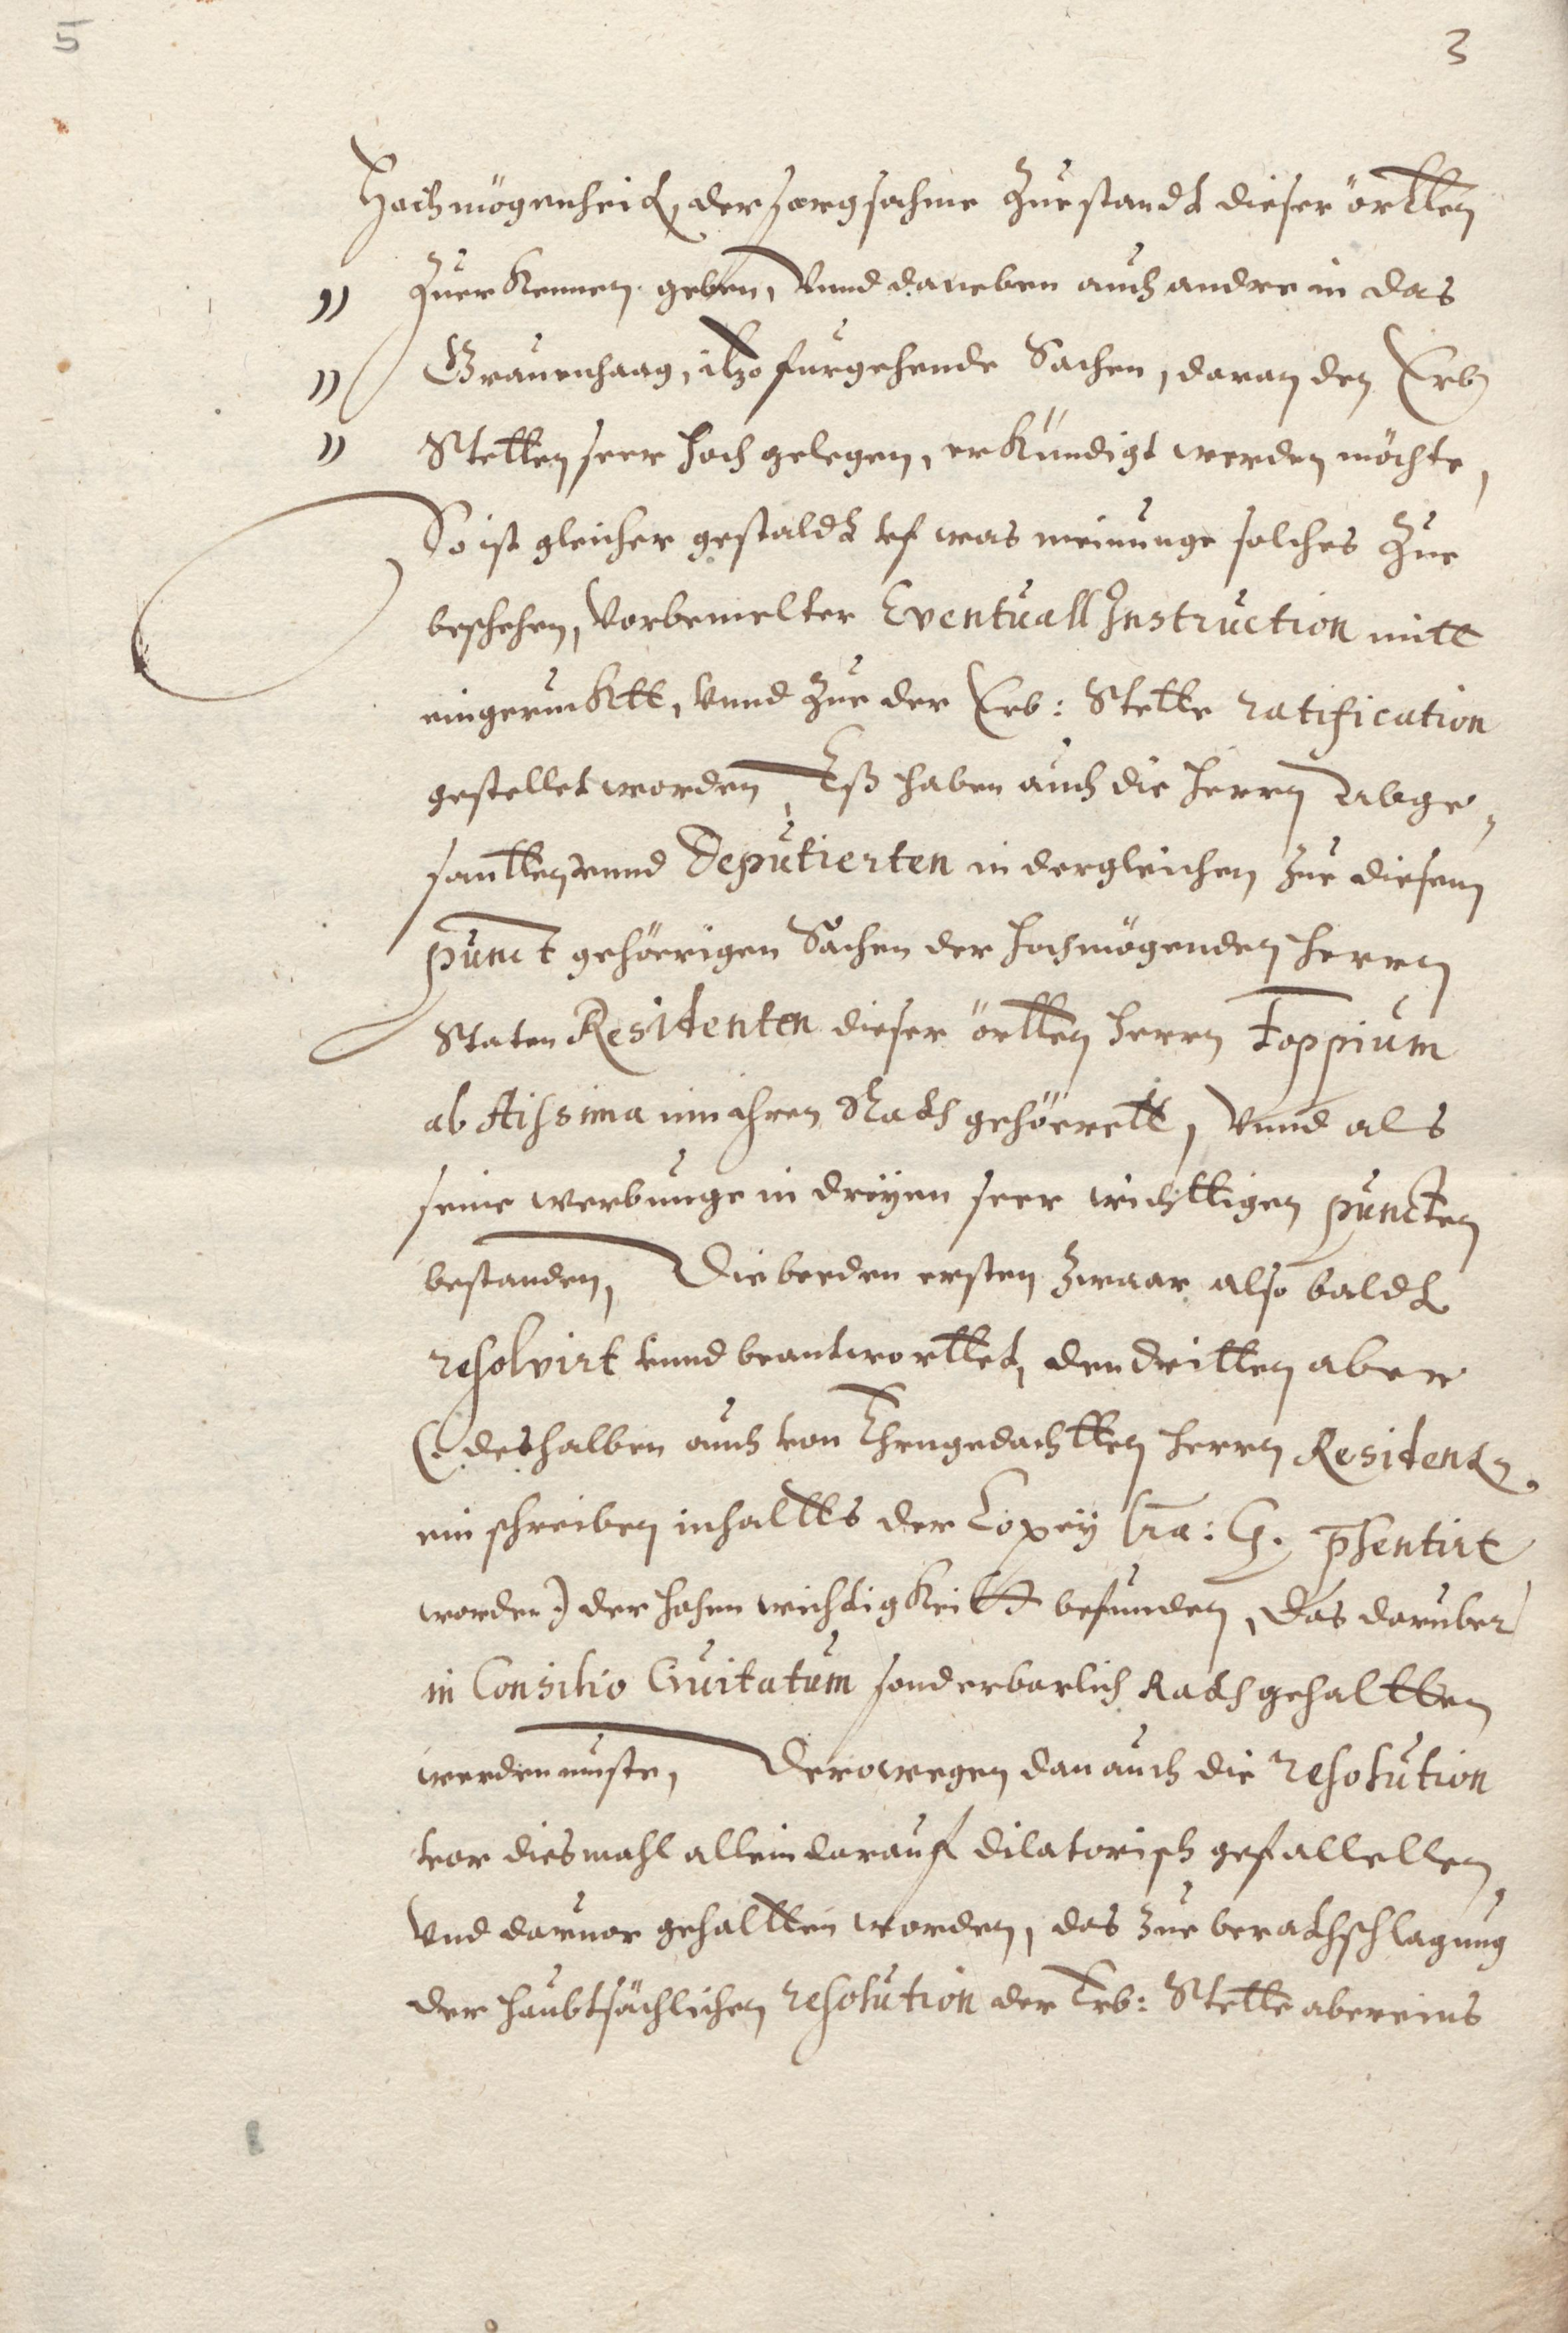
3
Hochmögenheiten, der sorgsahme zuestandt dieser örtten
Zuerkennung geben, Vnnd daneben auch andre in das
Grauenhaag, itzo furgehende sachen, daran den Erb:
Stetten seer hochgelegen, erkündigt werden möchte,
So ist gleicher gestaldt uf was meinunge solches zue
besprechen, vorbemelter Eventuall Instruction mitt
eingerucktt, vnnd zue der Erb: Stette ratification
gestellet worden Eß haben auch die Herrn Abge—
santhen vnnd Deputierten in dergleichen zue diesem
punct gehöerigen Sachen der hochmögenden herrn
Staten Residenten dieser örtten Herrn Foppium
ab Aissima inn ahren rath gehöerett, Vnnd als
seine werbunge in dreijen seer wichttigen puncten
bestanden, Die beeden ersten zwaar also baldt
resolvirt vnnd beantworttet, der dritten aber
(. deshalben auch von Ehrngedachtten herrn Residenten
ein schreiben inhallts der Copeij littera G. presentirt
worden .) der hohen wichtigkeitt befunden, das daruber
in Consilio Ciuitatum sonderbarlich Rath gehallten
werden muste, Derowegen dan auch die resolution
vor diesmahl allein darauf dilatorisch gefallellen,
vnd daruor gehaltten worden, das zue berathschlagung
der haubtsächlichen resolution der Erb: Stette abereins
